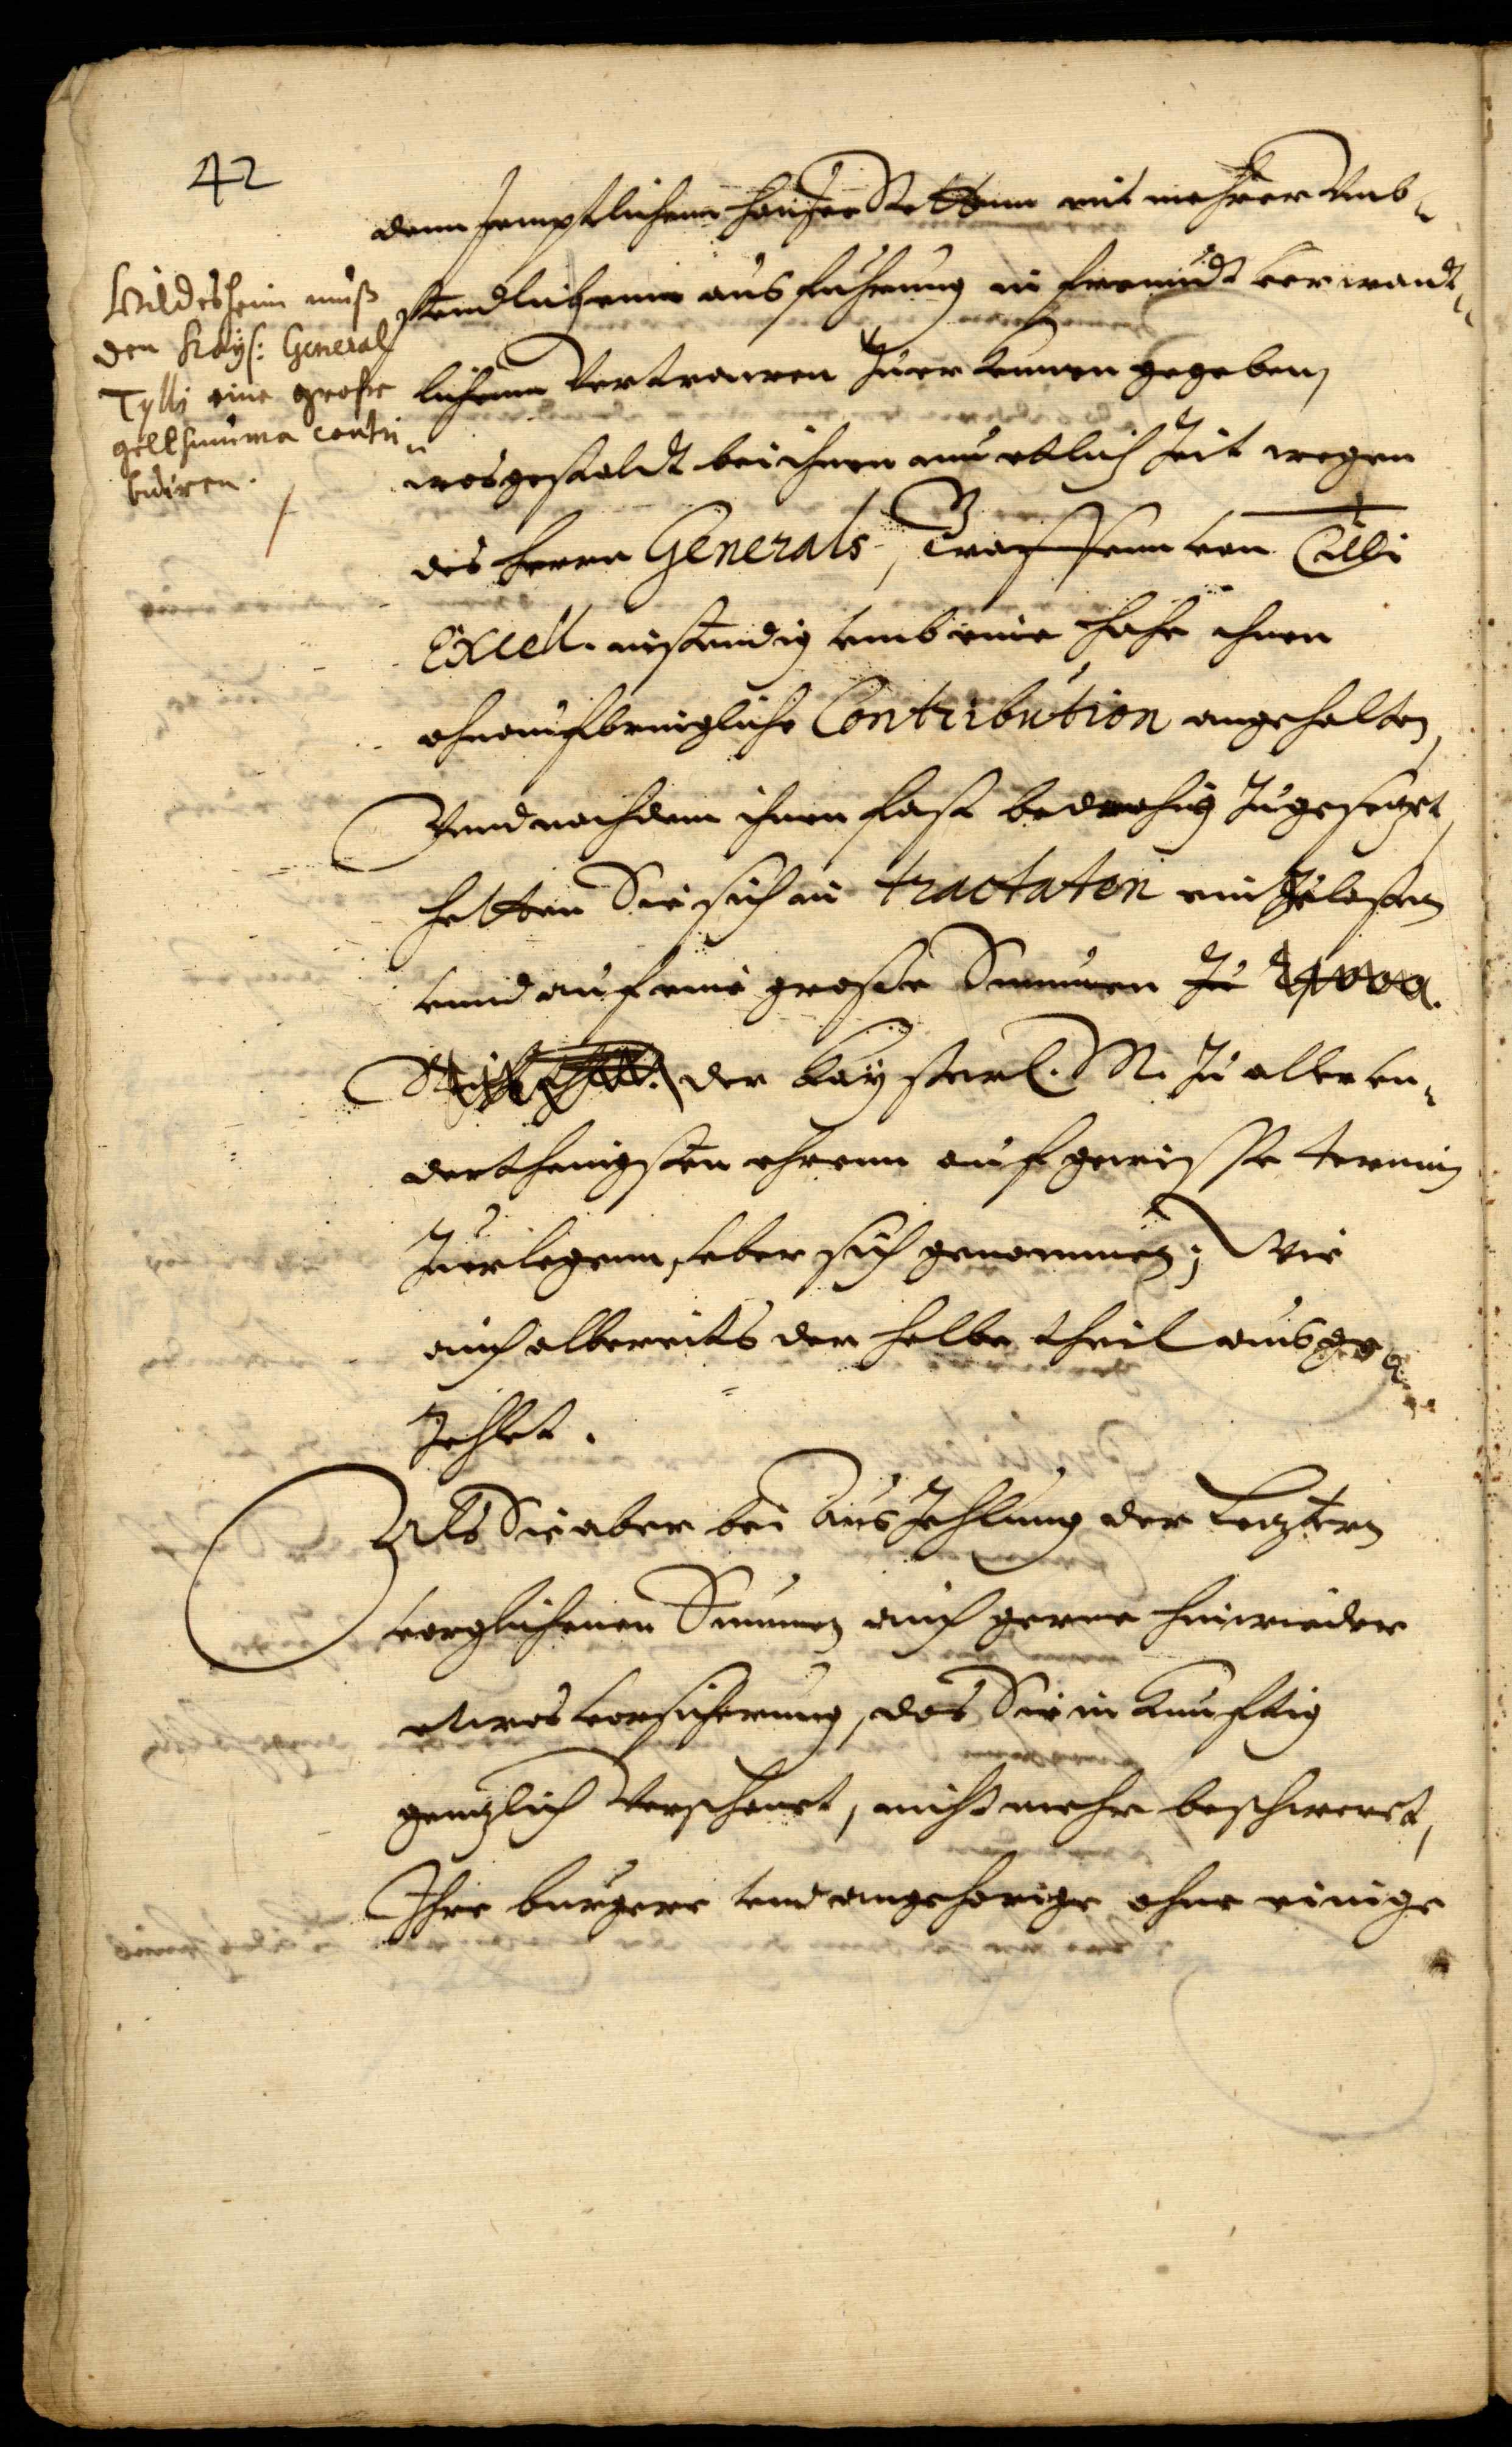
42
Hildesheim muß
den Kaijs: General
Tylli eine große
geltsumma contri¬
buiren.
denn semptlichenn hansee Stettenn mit mehrer Vmb¬
stendlichenn ausfuhrung in freundt verwandt¬
lichenn Vertrawen zuerkennen gegeben,
wesgestaldt bei ihnen nun etlich zeit wegen
des herrn Generals-, Graffennn von Tilli
Excell. instendig vmb eine hohe ihnen
ohnaufbringliche Contribution angehalten,
Vnnd nachdem ihnen fast bedrohig zugesetzet,
hetten Sie sich in tractaten einzulaßen
vnnd auf eine große Summen zu 24000
Reichsthaler der Kaijßerl. M. zu aller vn¬
derthenigsten ehrenn auf gewisse termin
zuerlegenn, vber sich genommen; Wie
auch albereits der halbe theil ausge¬
zehlet.
Als Sie aber bei Auszehlung der Letztern
vorglichenen Summen auch gerne hinwieder
etwes vorsicherung, das Sie in kunftig
gentzlich Verschonet, nicht mehr beschweret,
Ihre burgere vnd angehorige ohne einige
